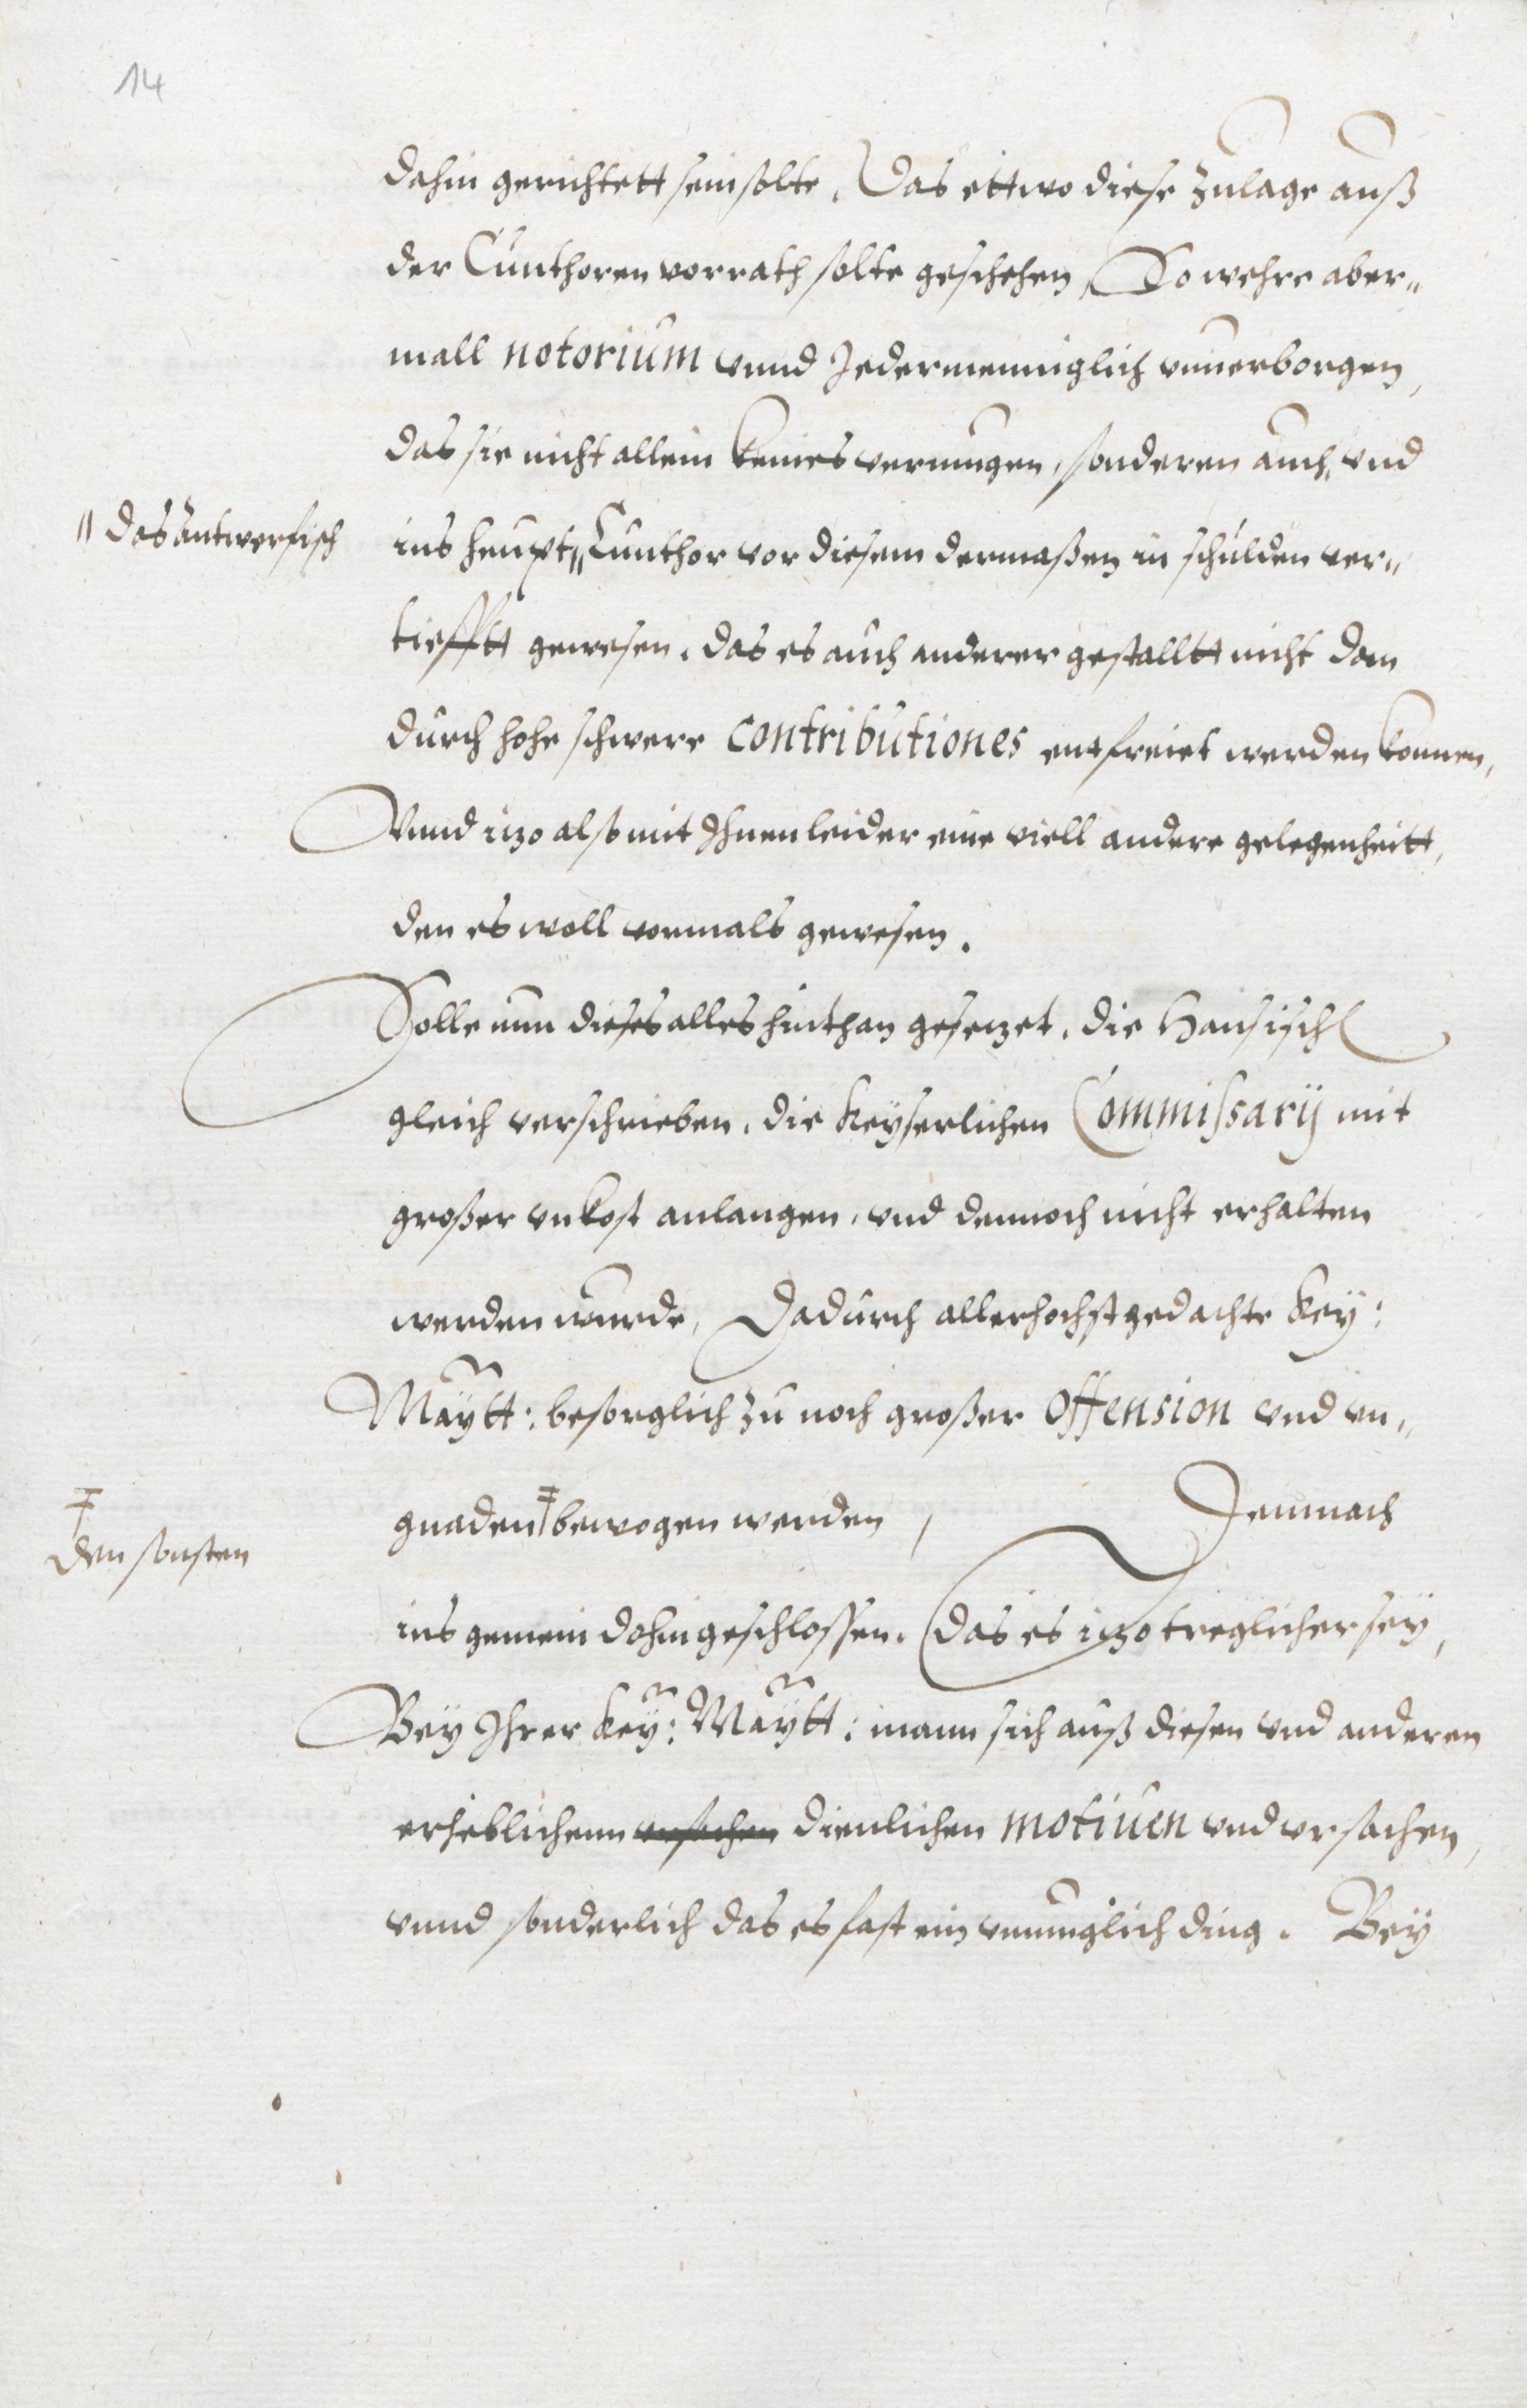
"das Antwerfisch
F den sonsten
dahin gerichtett sein solte, das ettwo diese zulage auß
der Cunthoren vorrath solte geschehen, So wehre aber¬
mall notorium vnnd jeder menniglich vnuerborgen,
das sie nicht allem keines vermugen, sonderen auch vnd
ins Heupt" Cunthor vor diesem dermaßen in schulden ver¬
tiefftt gewesen. das es auch anderer gestallt nicht dan
durch hohe schwere contributiones entfreiet werden konnen,
vnd itzo also mit Ihnen leider nur viell andere gelegenheitt,
den es woll vormals gewesen.
Solle nun dieses alles hinthan gesetzet, die Hansischen
gleich verschrieben, die keijserlichen Commisarij mit
großer vnkost anlangen, vnd dennoch nicht erhalten
werden wurde, Dadurch allerhochst gedachte Keij:
Maijtt: besorglich zu noch großer offension vnd vn¬
gnaden F bewogen werden, Demnach
ins gemein dahin geschlossen, das es itzo treglicher seij,
Beij Ihrer keij: Maijtt: mann sich auß diesen vnd anderenn
erheblichenn ursachen dienlichen motiuen vnd ersuchen,
vnd sonderlich das es fast ein vnmöglich ding. Beij
